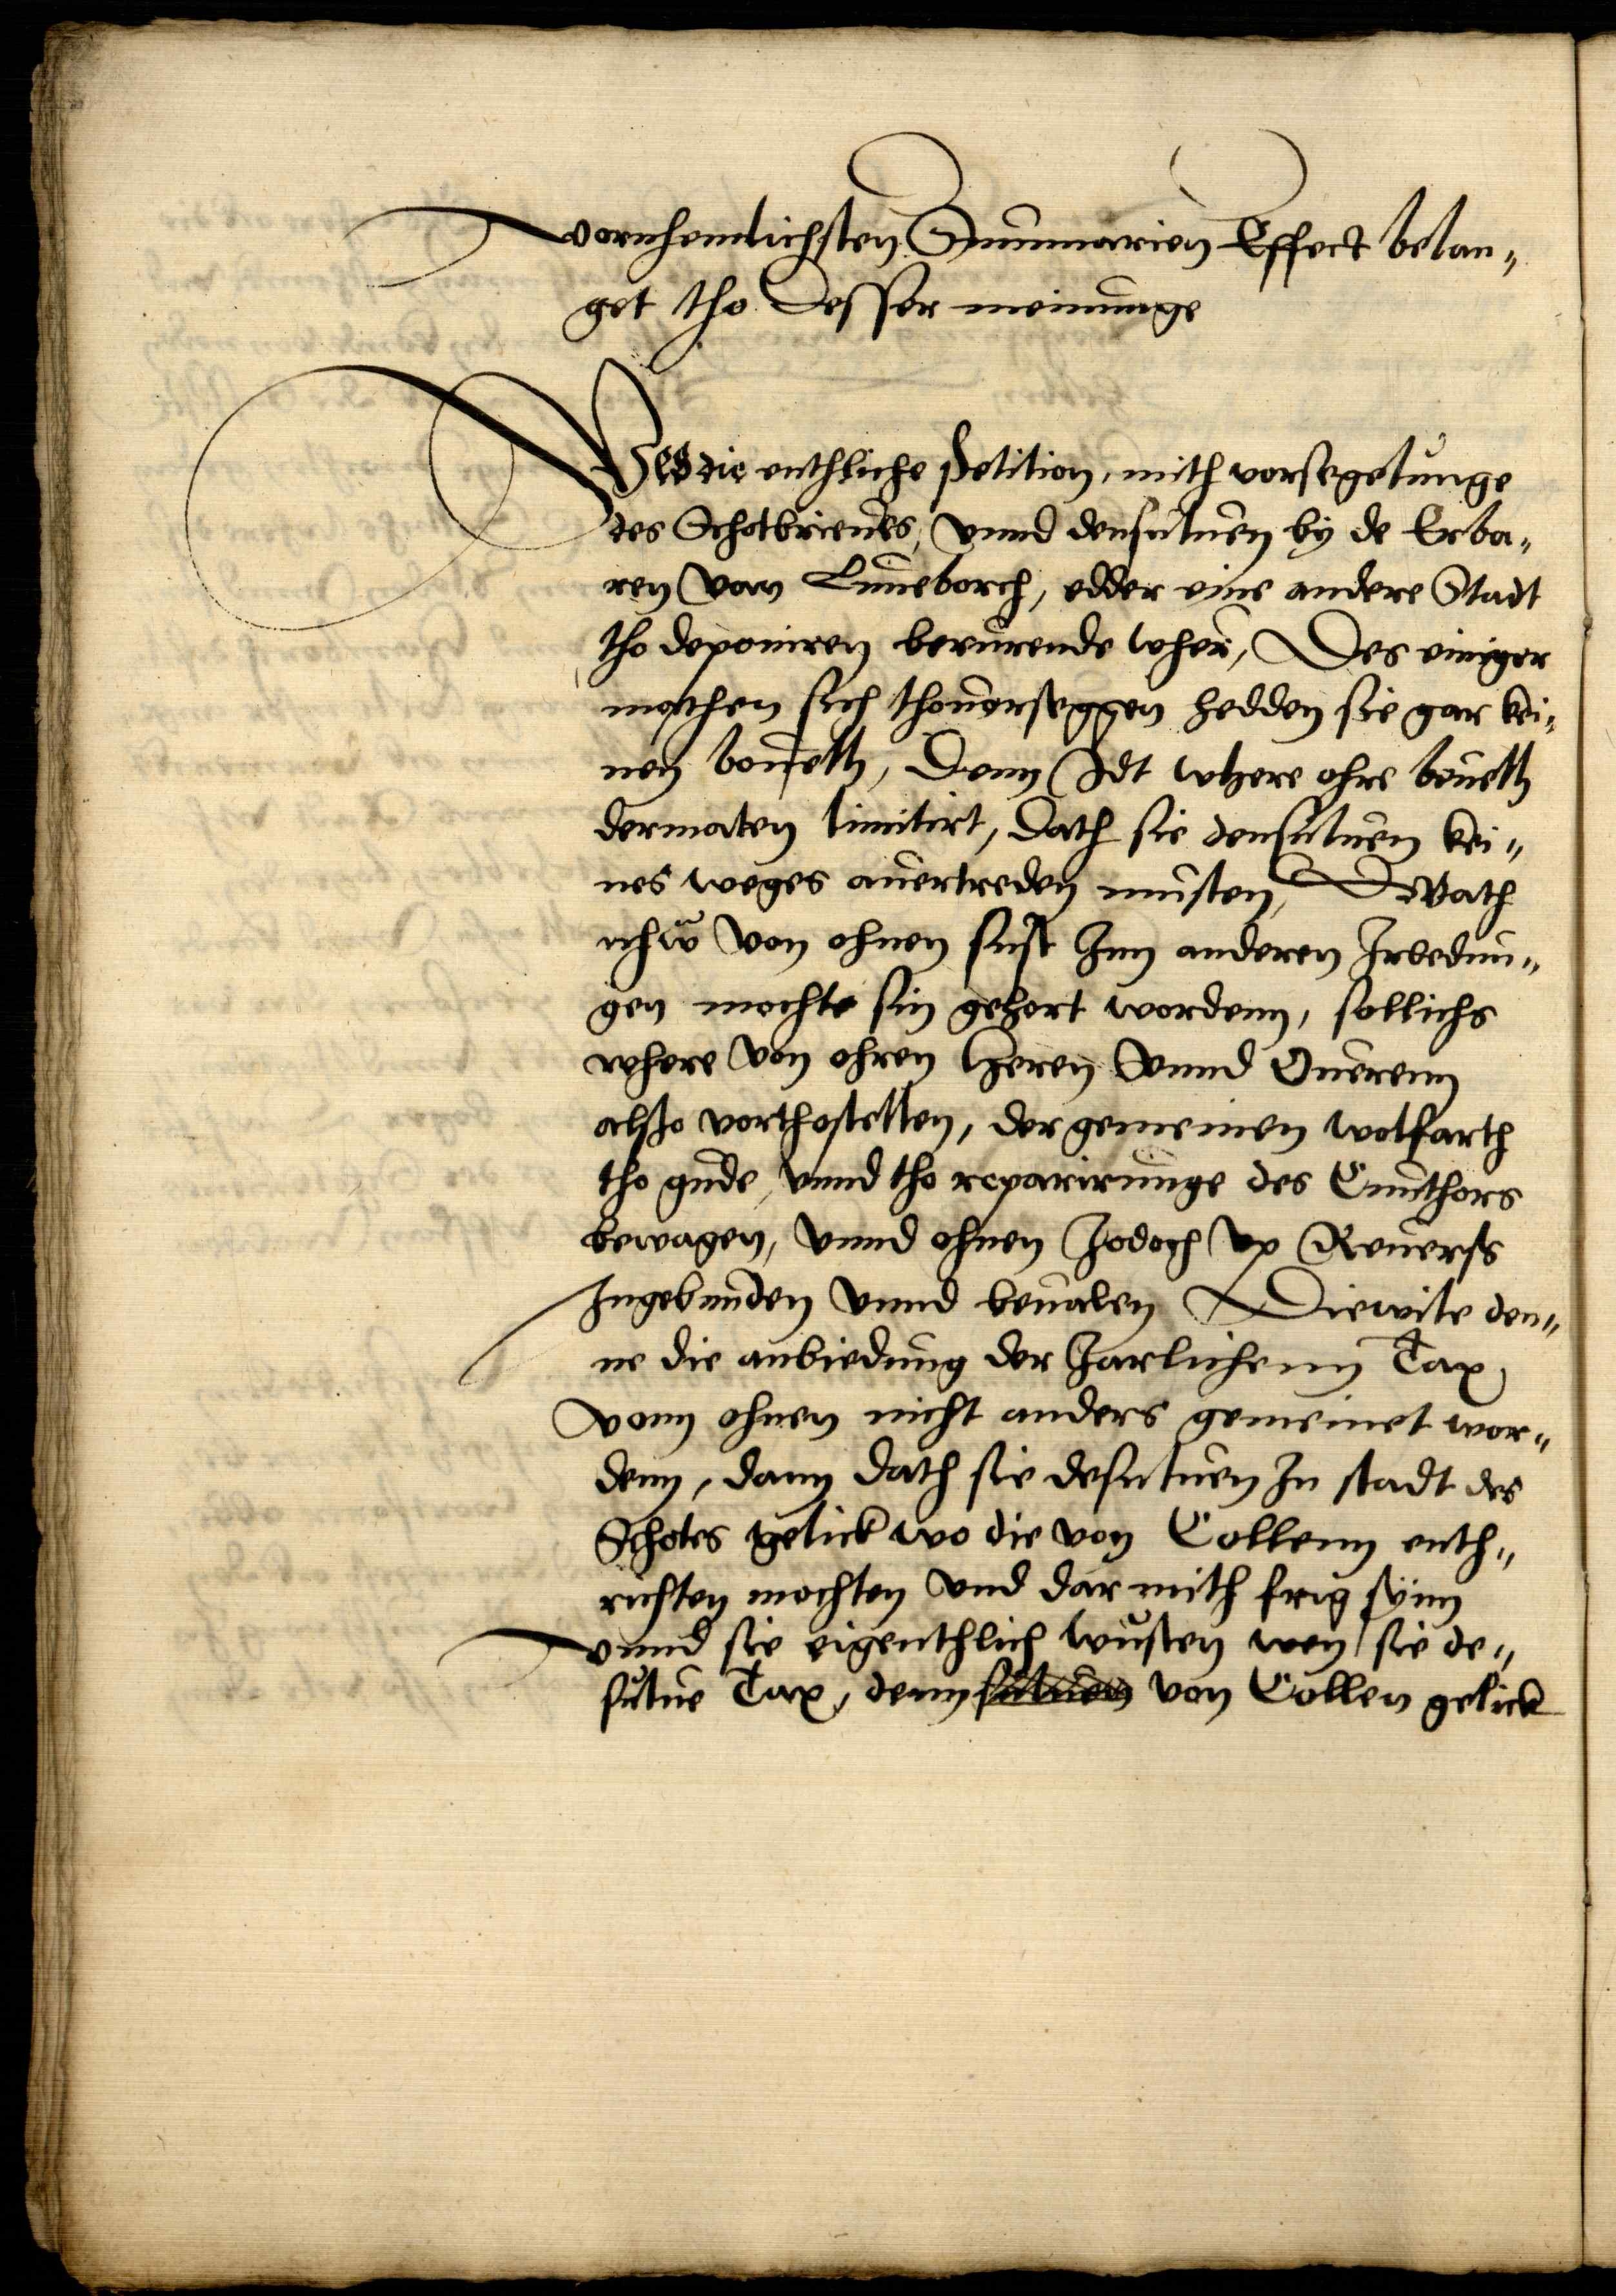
vornhemlichsten Summarien Effect belan¬
get tho Desser meinunge
Wes die enthliche Petition, mith vorsegelunge
des Schotbrieues, vnnd densuluen by de Erba¬
ren van Luneborch, edder eine andere Stadt
tho deponiren berurende wher, Des einiger
mathen sich thouorseggen hedden sie gar kei¬
nen beuelh, Denn Idt where ohre beuelh
dermaten limitirt, Dath sie densuluen kei¬
nes weges auertreden musten, Wath
nhw von ohnen sust Inn anderen Irbedun¬
gen mochte sin gehort wordenn, sollichs
where von ohren Heren vnnd Ouerenn
also vorthostellen, der gemeinen wolfarth
tho gude, vnnd tho reparirunge des Cunthors
bewagen, vnnd ohnen Iodoch vp Reuerss
Ingebunden vnnd beualen Diewile den¬
ne die anbiedung der Iarlichenn Tax
vonn ohnen nicht anders gemeinet wor¬
denn, dann dath sie desuluen In stadt des
Schotes gelick wo die von Collen enth¬
richten mochten vnd dar mith frig sijnn
vnnd sie eigenthlich wusten wen sie de¬
sulue Tax, denn suluen von Collen gelick
